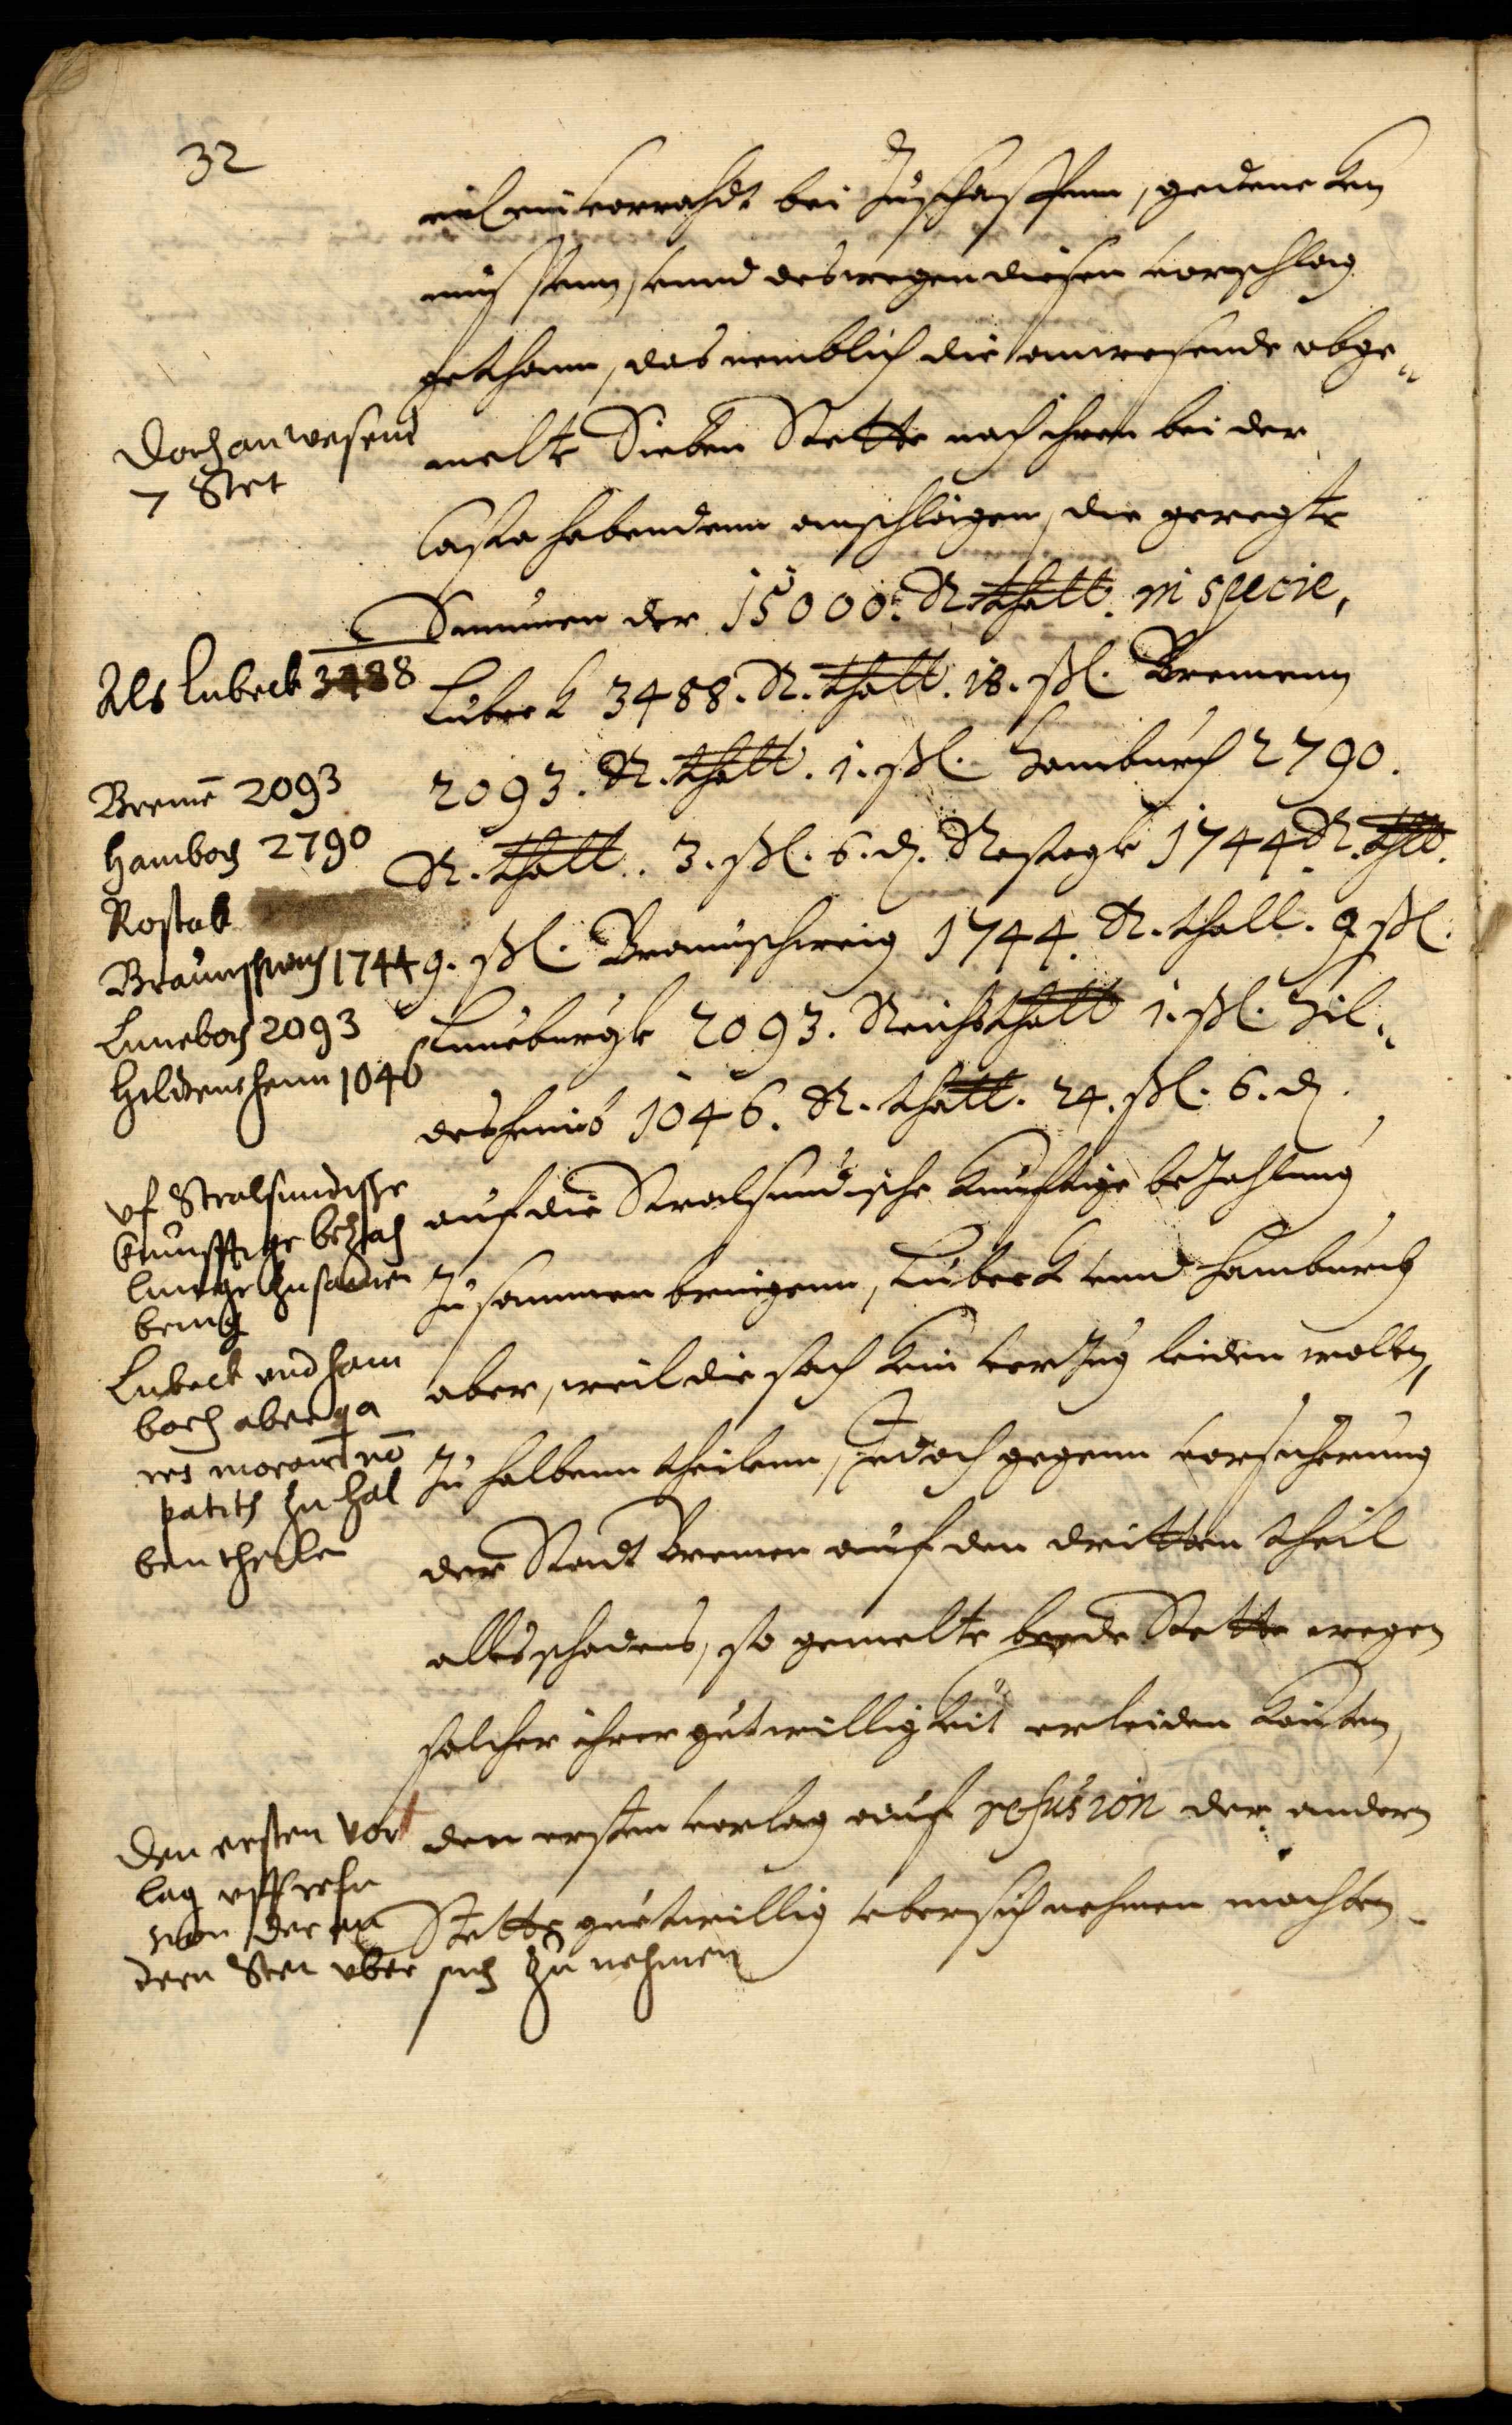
32
viel ein vorrahdt bei zuschaffenn, gedencken
mussenn, vnnnd deswegen diesen vorschlag
gethann, das nemblich die anwesende obge¬
melte Sieben Stette nach ihren bei der
Caßa habendenn anschlaigen, die geregte
Summen der 15000. Rthall. in specie,
Lubeck 3488. R.thall. 18. ßl. Bremenn
2093. R.thall. 1. ßl. Hamburch 2790.
R.thall. 3.ßl. 6. dl. Rostogk 1744 R.thll.
9. ßl. Braunschweig 1744 R.thall. 9.ßl.
Luneburgk 2093. Reichsthall 1.ßl. Hil¬
desheimb 1046. R.thall. 24. ßl. 6. d.
auf die Stralsundische kunftige bezahlung
zusammen bringenn, Lubeck vnnd Hamburg
aber, weil die sach kein verzug leiden wolten,
zu halben theilenn, Jedoch gegenn vorsicherung
der Stadt Bremen auf den dritten theil
alles schadens, so gemelte beide Stette wegen
solcher ihrer gutwilligkeit erleiden könten,
den ersten vorlag auf refusion der andern
Stette guetwillig vbersich nehmen mochten.
doch anwesend
7 Stet
als Lubeck 3488
Bremen 2093
Hamboch 2790
Rostok
Braunschwich 1744
Luneboch 2093
Hildensheim 1046
vf Stralsundische
Kunfftige bezah
lunge zusamen
bring
Lubeck vnd Ham
borh aber qua
res moram non
patith zu hal
ben theilen
den ersten vor
lag vff refu
sion der an
dern Stet vber sich zu nehmen
